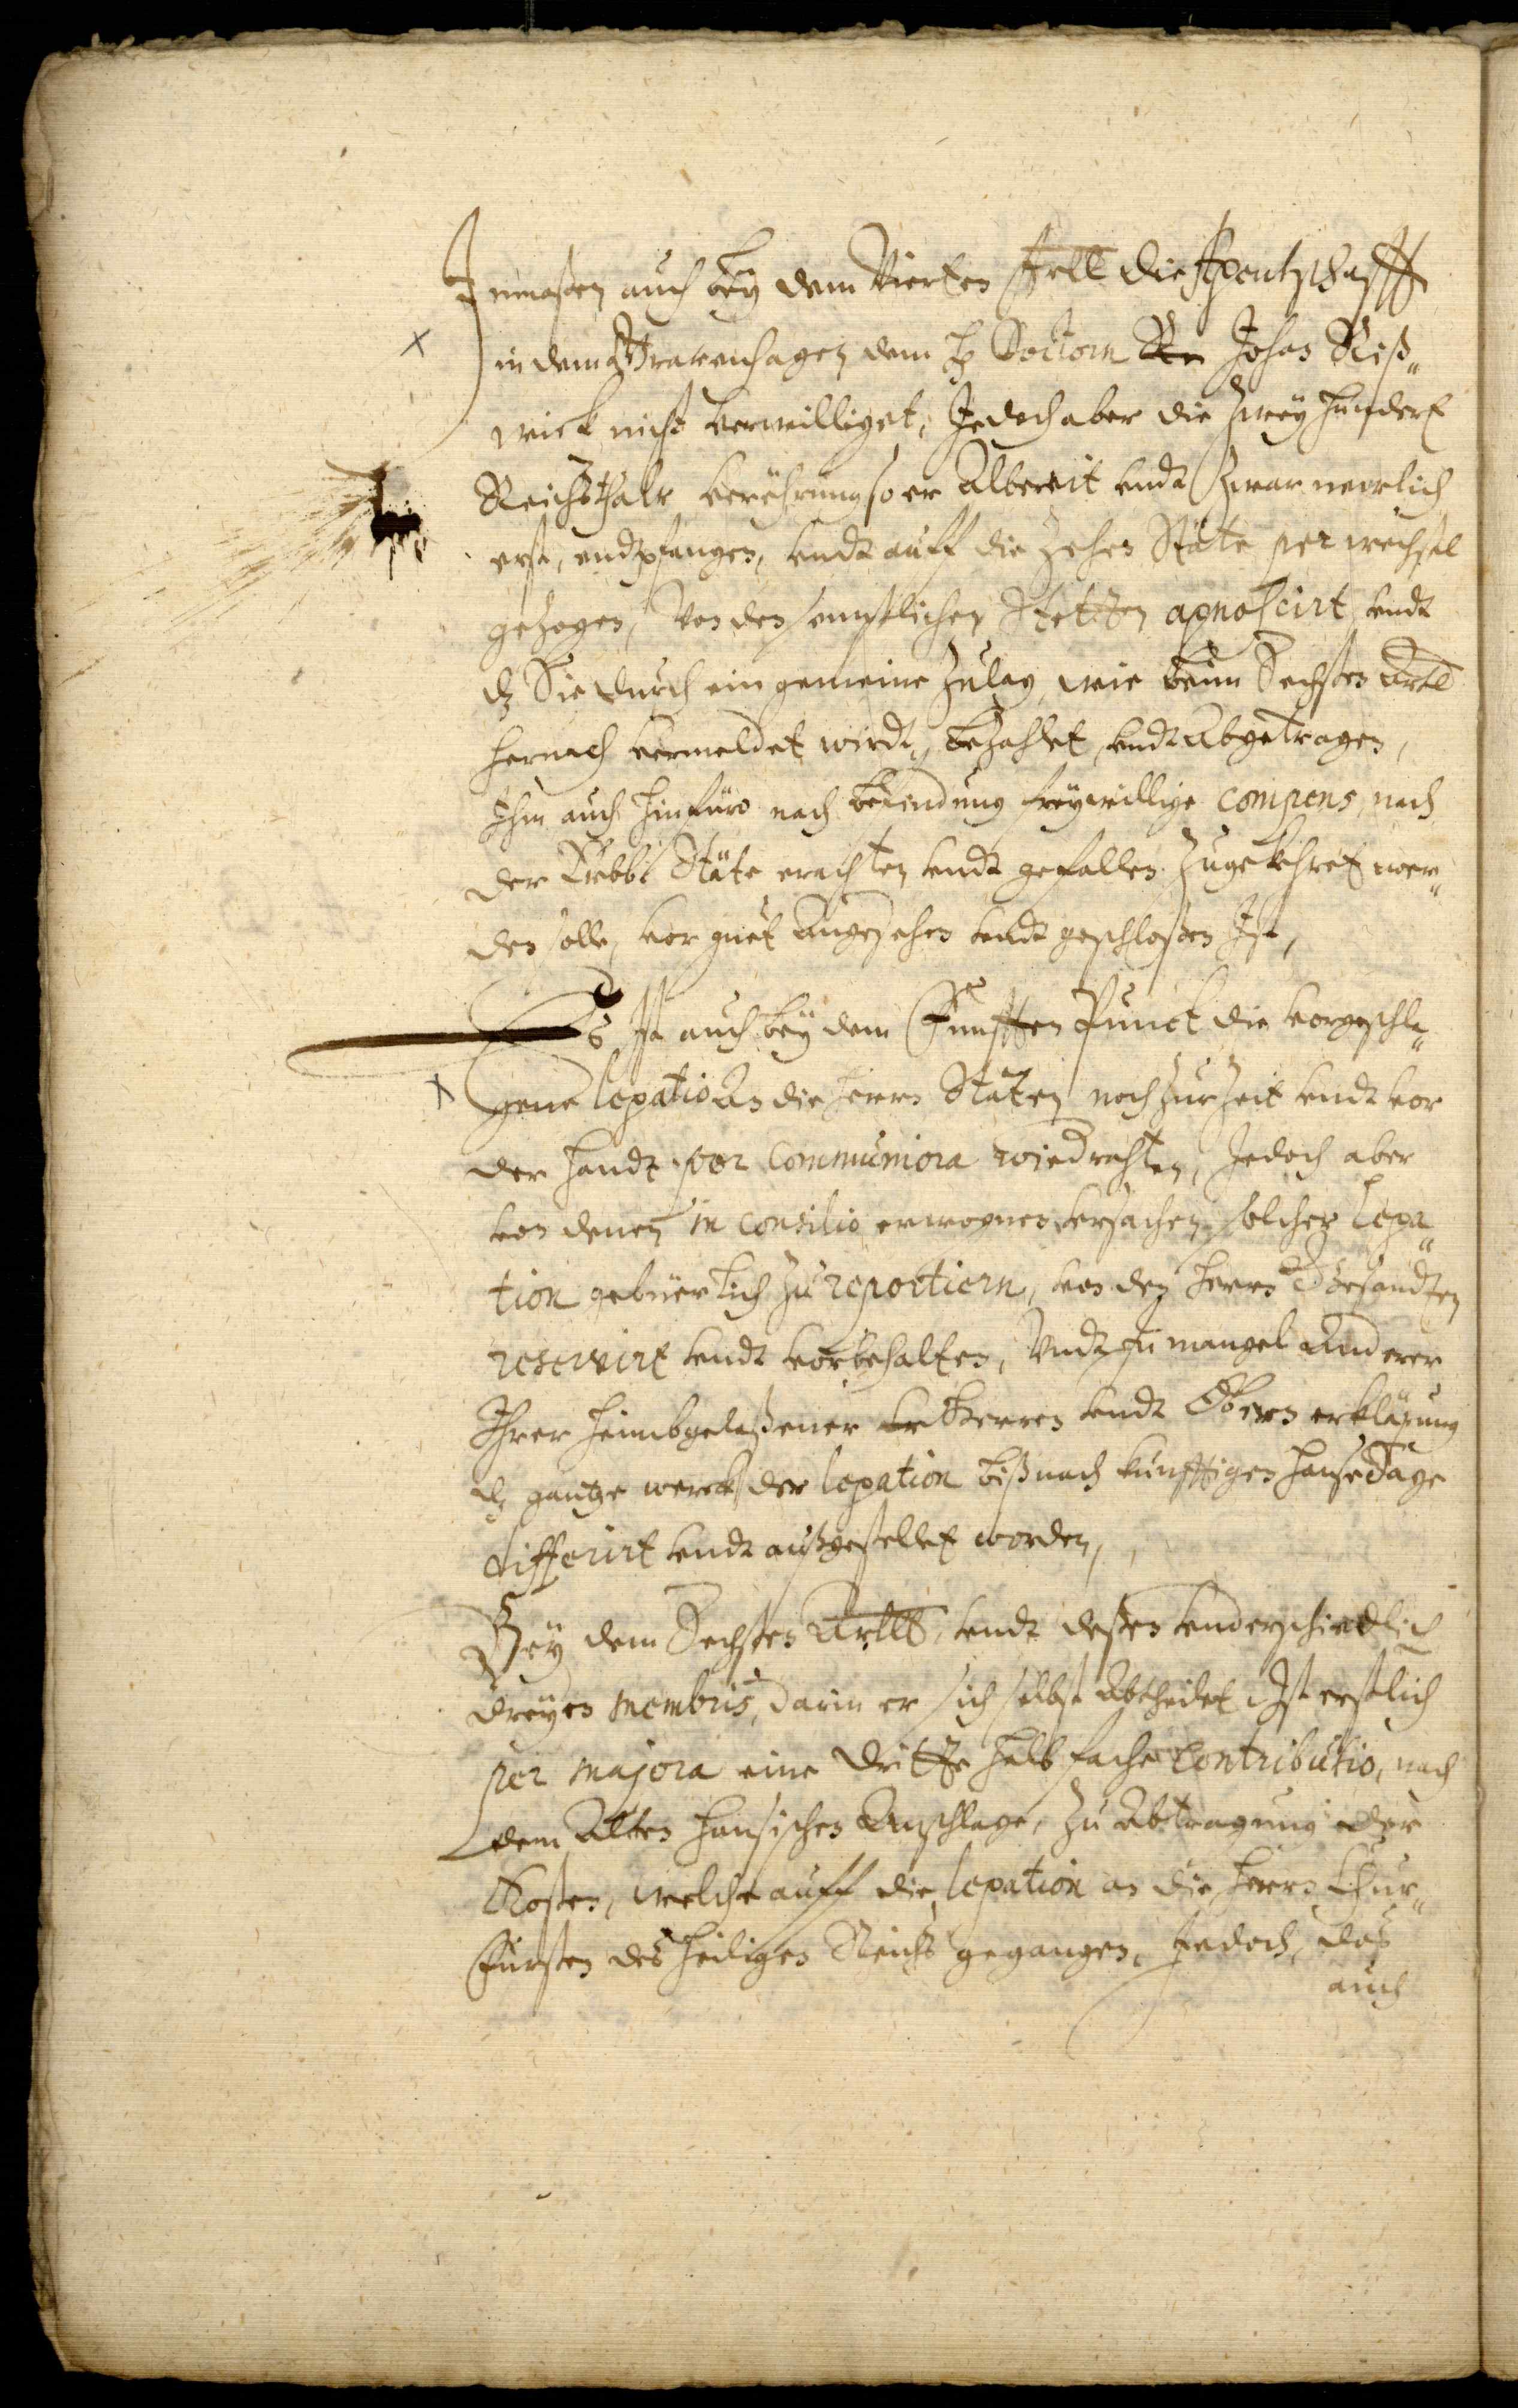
Immaßen auch beij dem Vierten Arll die Agentschafft
in dem Gravenhagen dem herrn Doctorn Ri Johan Riß¬
wick nicht verwilliget, jedoch aber die zweij hundert
Reichsthalr verährung so er albereit vndt zwar newlich
erst, endtpfangen, vndt auff die zehen Stäte per wechsel
gezogen, Von den semptlichen Stetten agnoscirt vndt
den Sie durch ein gemeine Zulag, wie beim Sechsten Artl
hernach vermeldet wirdt, bezahlet, vndt abgetragen,
Ihm auch hinfüro nach befindung freijwillige compens, nach
der Erbb. Stäte erachten vndt gefallen zugekehret wer¬
den solle, vor guet angesehen vndt geschloßen Ist,
Es Ist auch beij dem Funfften Punct die vorgeschla¬
gene Legatio an die herrn Staten noch zur zeit vndt vor
der handt per communiora wieder rahten, jedoch aber
von denen in consilio erwogenen vrsachen solcher Lega¬
tion gebüerlich zu reportiern, von den herrn Gesandten
reservirt vndt vorbehalten, vndt in mangel anderer
Ihrer heimbgelaßener vr Herren vndt Obern erklärung
den gantze werck der Legation biß nach kunfftigen hansetage
differirt vndt außgestellet worden,
Beij dem Sechsten Artll, vndt deßen vnderschiedlichen
dreijen membris, darin er sich selbst abtheilet ist erstlich
per majora eine dritte halb fache contributio, nach
dem Alten hansischen Anschlage, Zu Abtragung der
Kosten, welche auff die Legation an die herrn Chur¬
fursten des heiligen Reichs gegangen, Iedoch das
auch
